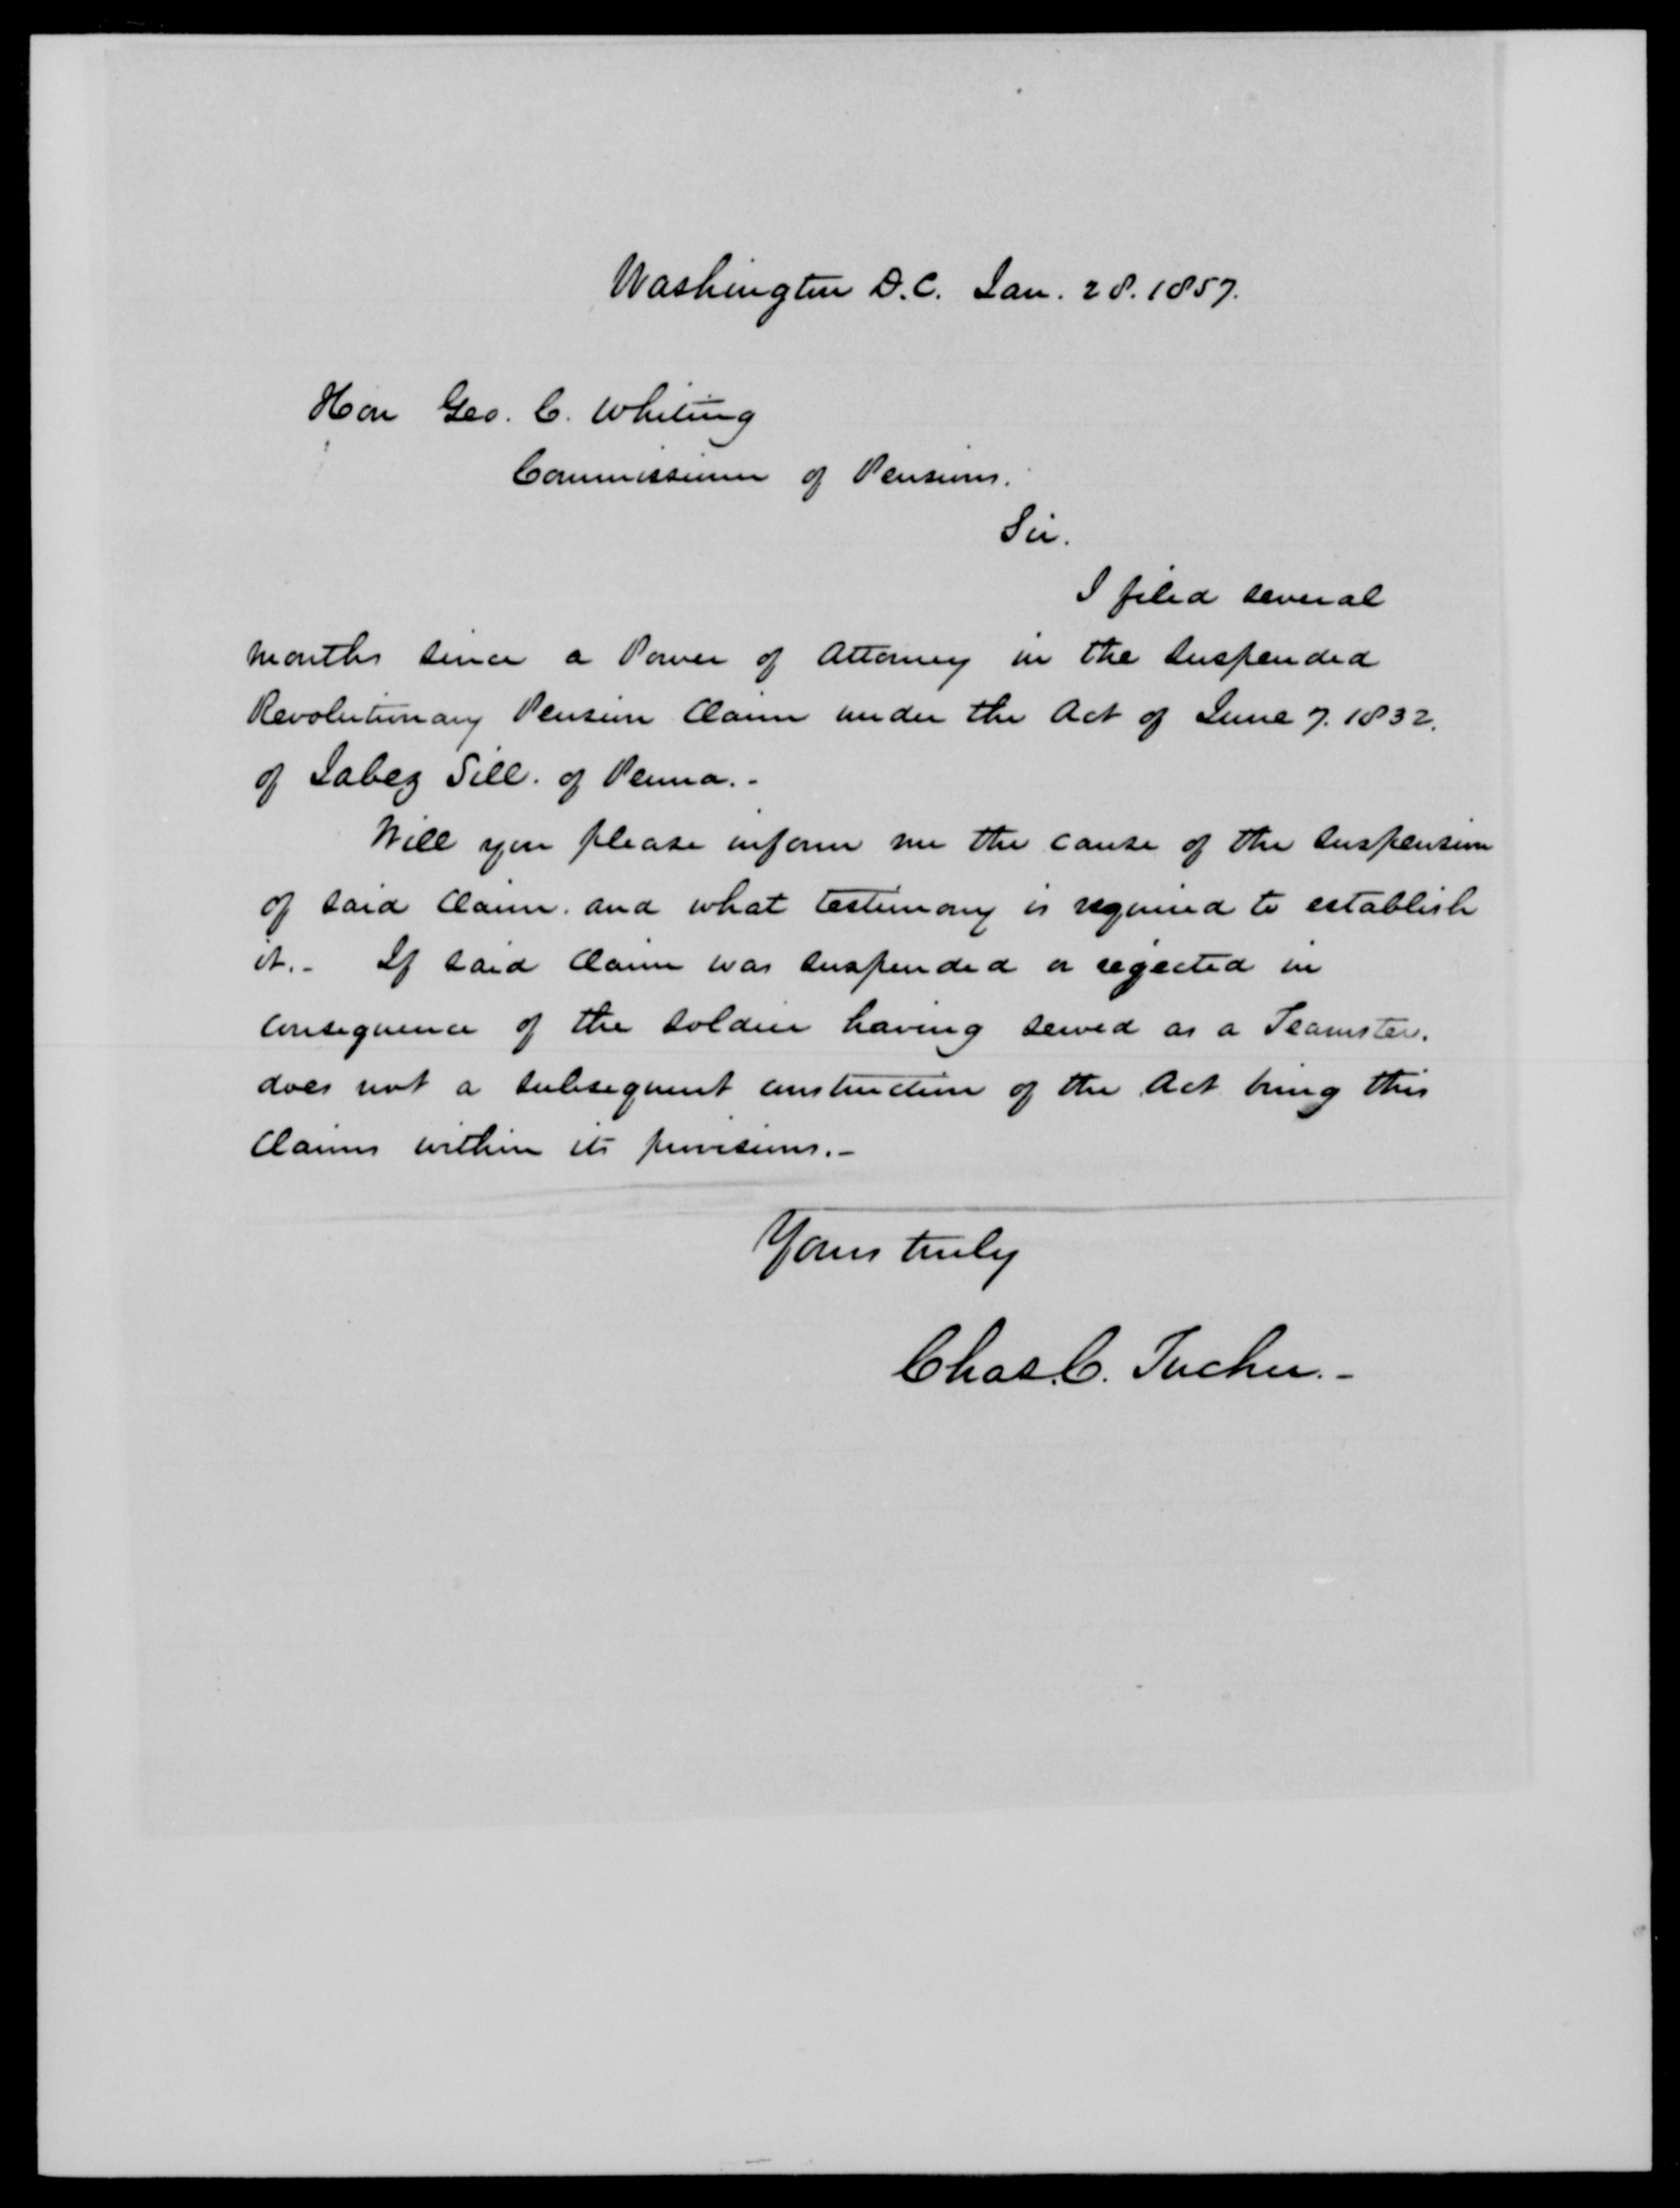Washington D.C. Jan. 28, 1857

Hon. Geo. C. Whiting
Commissioner of Pensions

Sir,

I filed several months since a Power of Attorney in the suspended Revolutionary Pension claim under the Act of June 7, 1832 of Jabez Sill of Penna.

Will you please inform me the cause of the suspension  of said claim and what testimony is required to establish it.  If said claim was suspended or rejected in consequence of the soldier having served as a teamster, does not a subsequent construction of the Act bring this claim within its provisions.

Yours truly

Chas. C. Tucker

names: Jabez Sill; Chas C Tucker; Geo C Whiting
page: 27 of 29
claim: rejected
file: R. 9570, for Jabez Sill, Connecticut